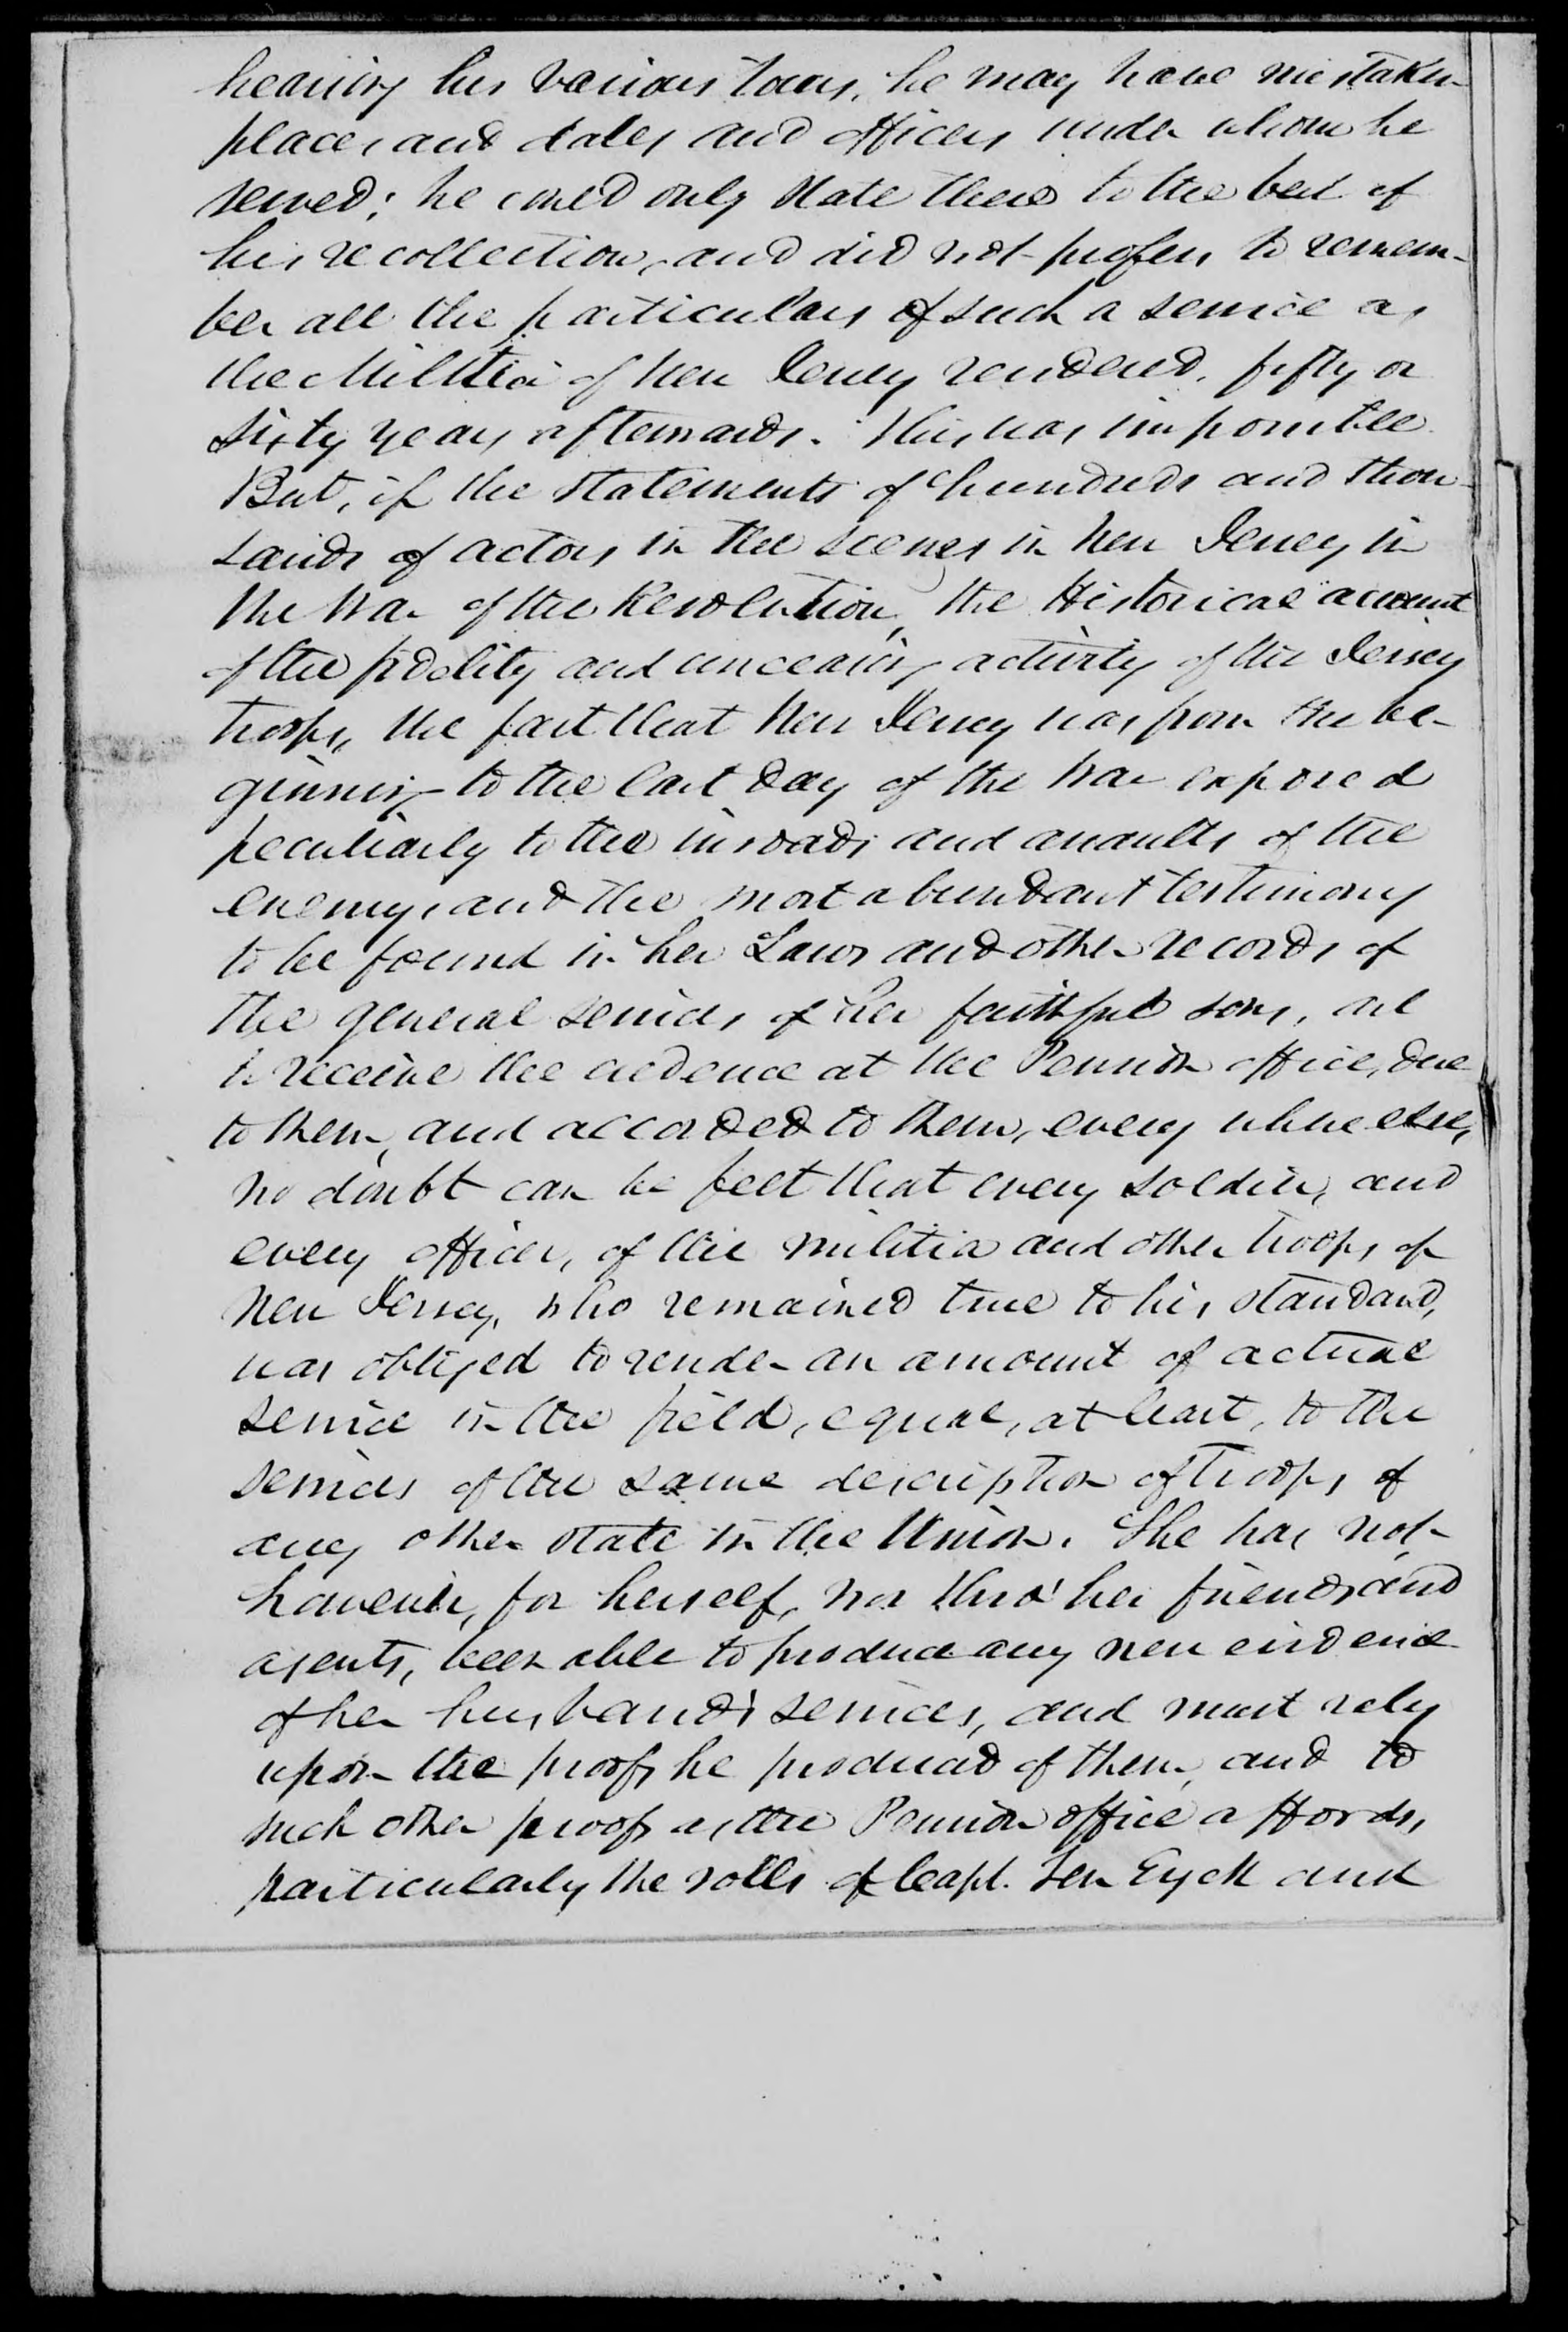hearing his various tours, he may have mistaken places and dates and officers under whom he served; he could only state these to the best of his recollection and did not profess to remember all the particulars of such a service as the Militia of New Jersey rendered, fifty or sixty years afterwards. This was impossible. But, if the statements of hundreds and thousands of actors in the scenes in New Jersey in the War of the Revolution, the historical account of the fidelity and unceasing activity of the Jersey troops, the fact that New Jersey was from the beginning to the last day of the War exposed peculiarly to the inroads and [illeg] of the enemy, and the most abundant testimony to be found in er Laws and other records of the general services of her faithful sons, and to receive the credence at the Pension office, due to them, and accorded to them, every where else, no doubt can be felt that every soldier, and every officer, of the militia and other troops of New Jersey, who remained true to his standard, was obliged to render an amount of actual service in the field, equal, at least, to the services of the same description of troops of any other state in the Union. She has not however, for herself, nor thro her friends and agents, been able to produce any new evidence of her husband's services, and must rely upon the proof he produced of them, and to such other proof as the Pension office affords, particularly the rolls of Capt. Ten Eych and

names: Ten Eyck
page: 63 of 77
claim: widow's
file: W. 417, William De Groot, New Jersey